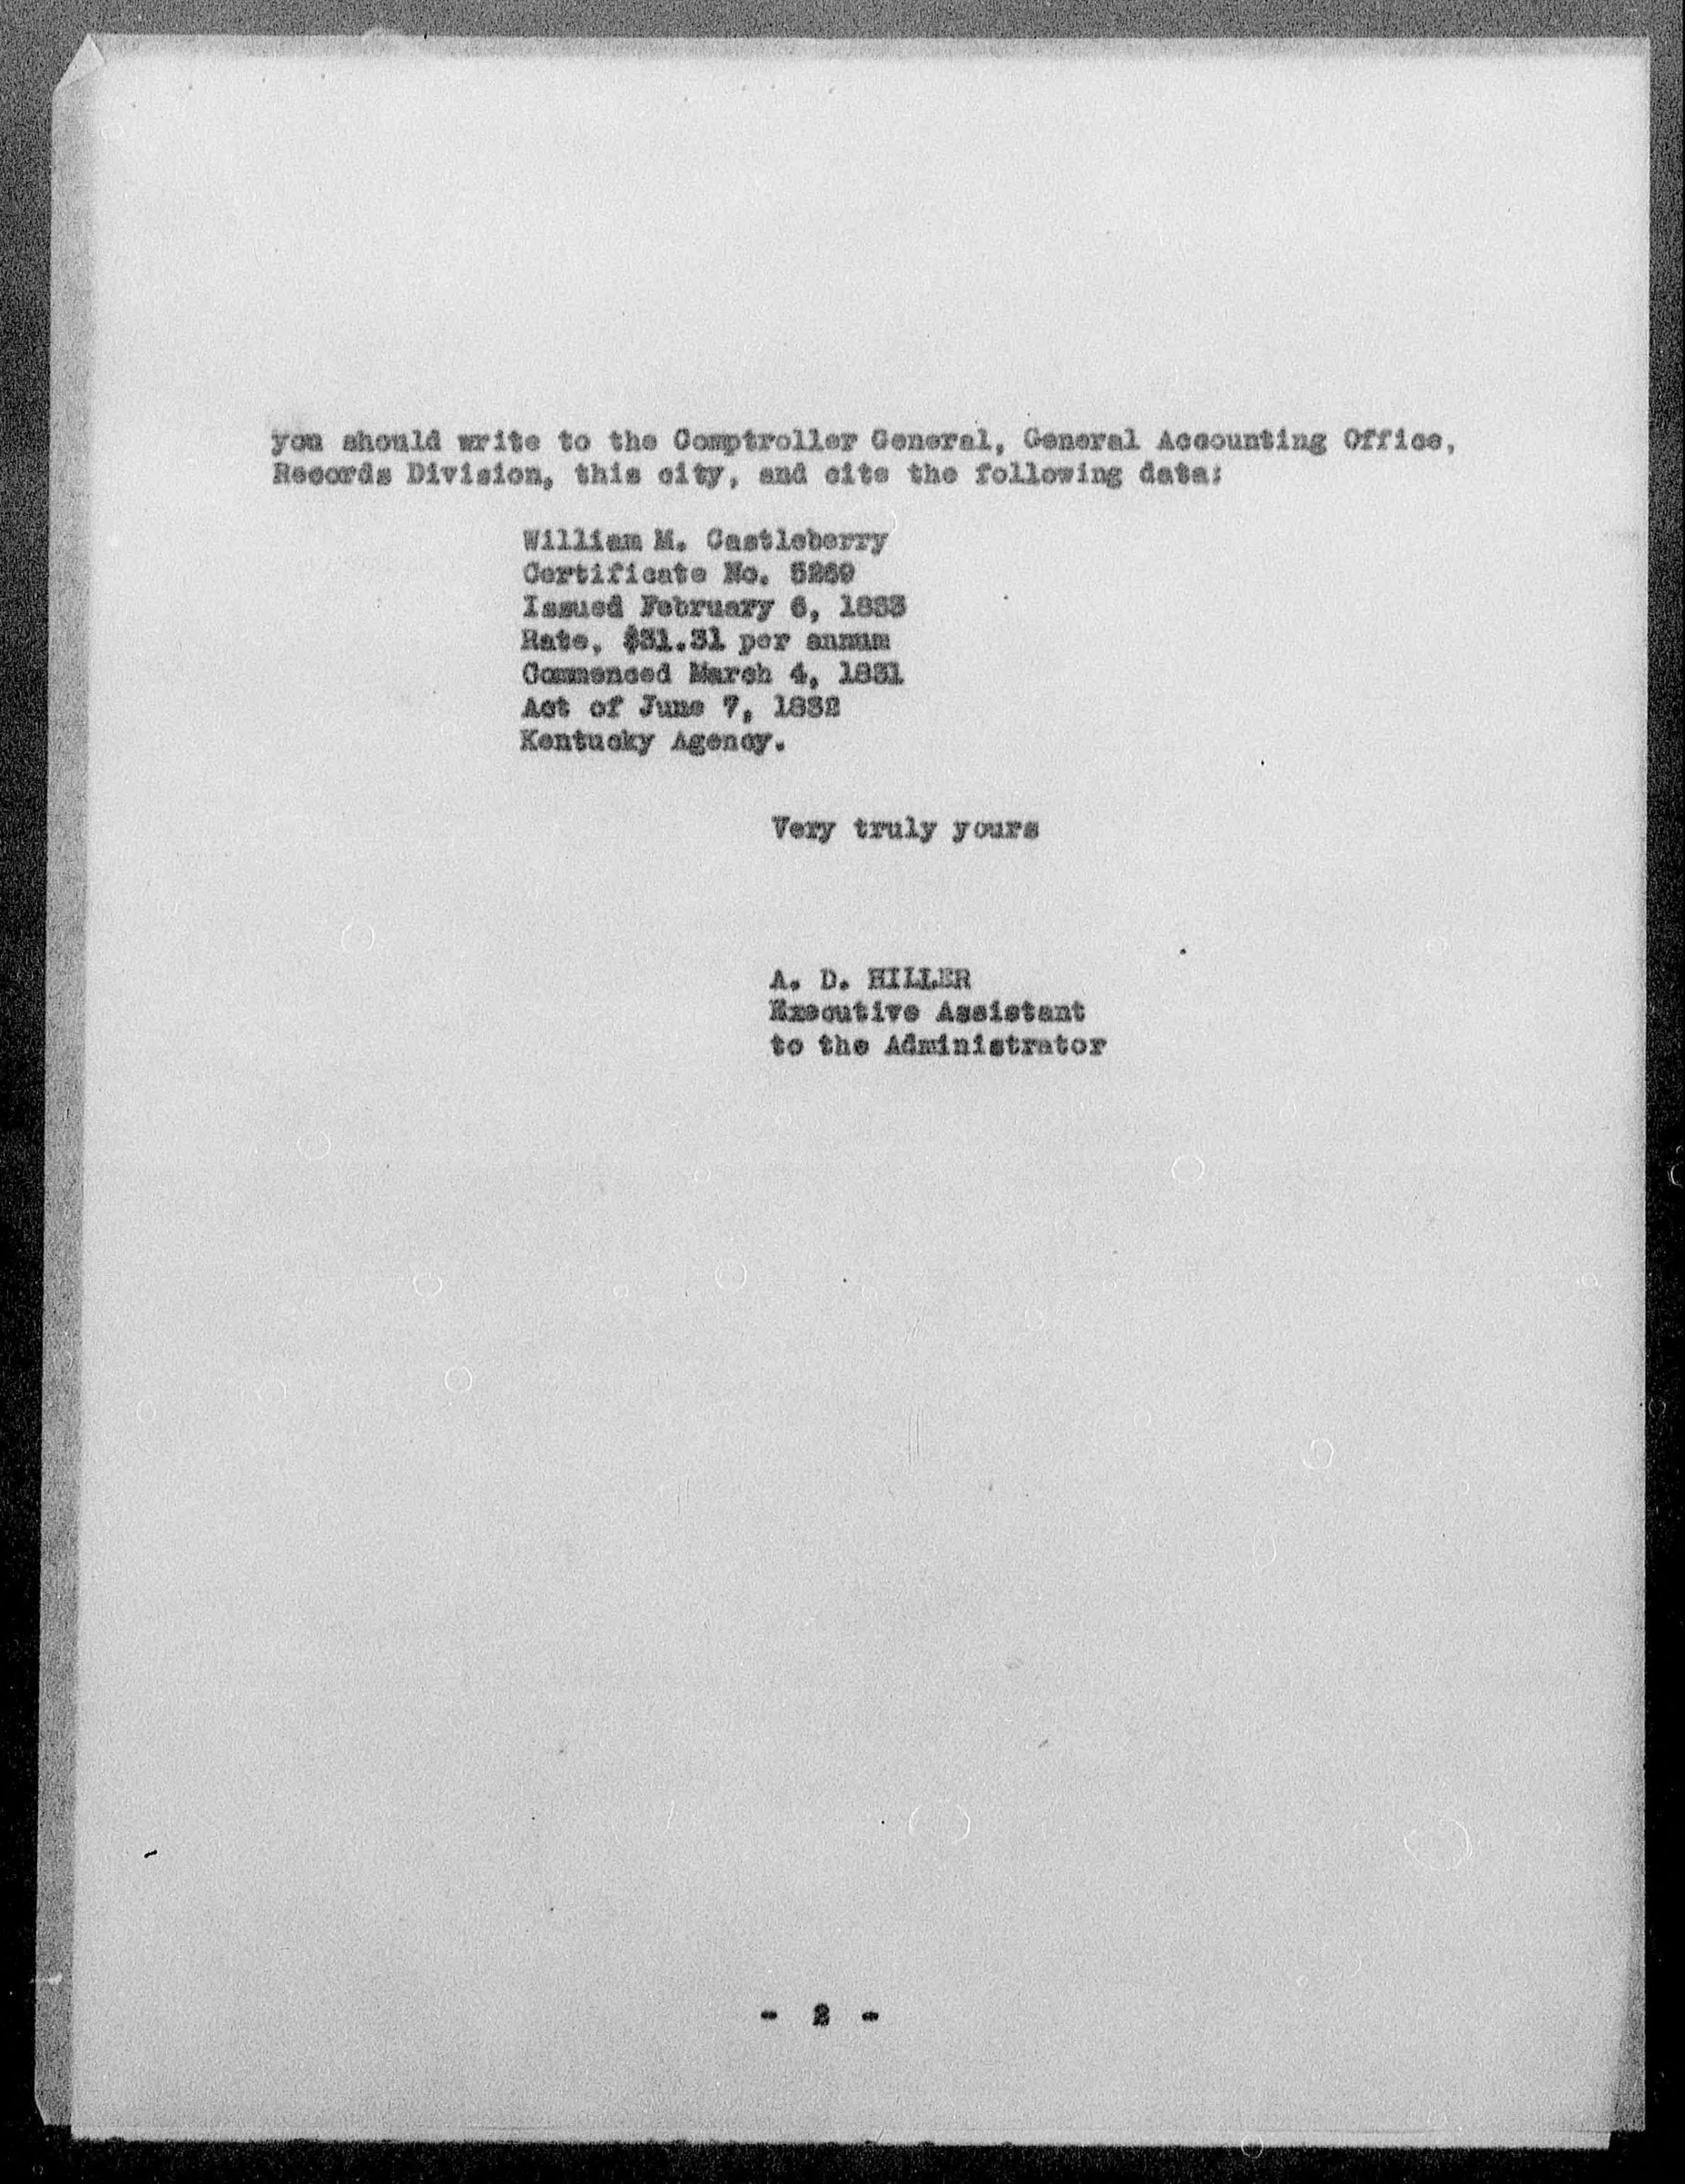you should write to the Comptroller General, General Accounting Office, Records Division, this city, and cite the following data:
William M. Castleberry
Certificate No. 5269
Issued February 6, 1853
Rate, $31.31 per annum
Commenced March 4, 1831
Act of June 7, 1832
Kentucky Agency.
Very truly yours
A. D. HILLER
Executive Assistant
to the Administrator
- 2 -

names: A D Hiller, William M Castleberry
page: 10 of 20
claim: survivor's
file: S. 16,337, William M Castleberry, Ga.